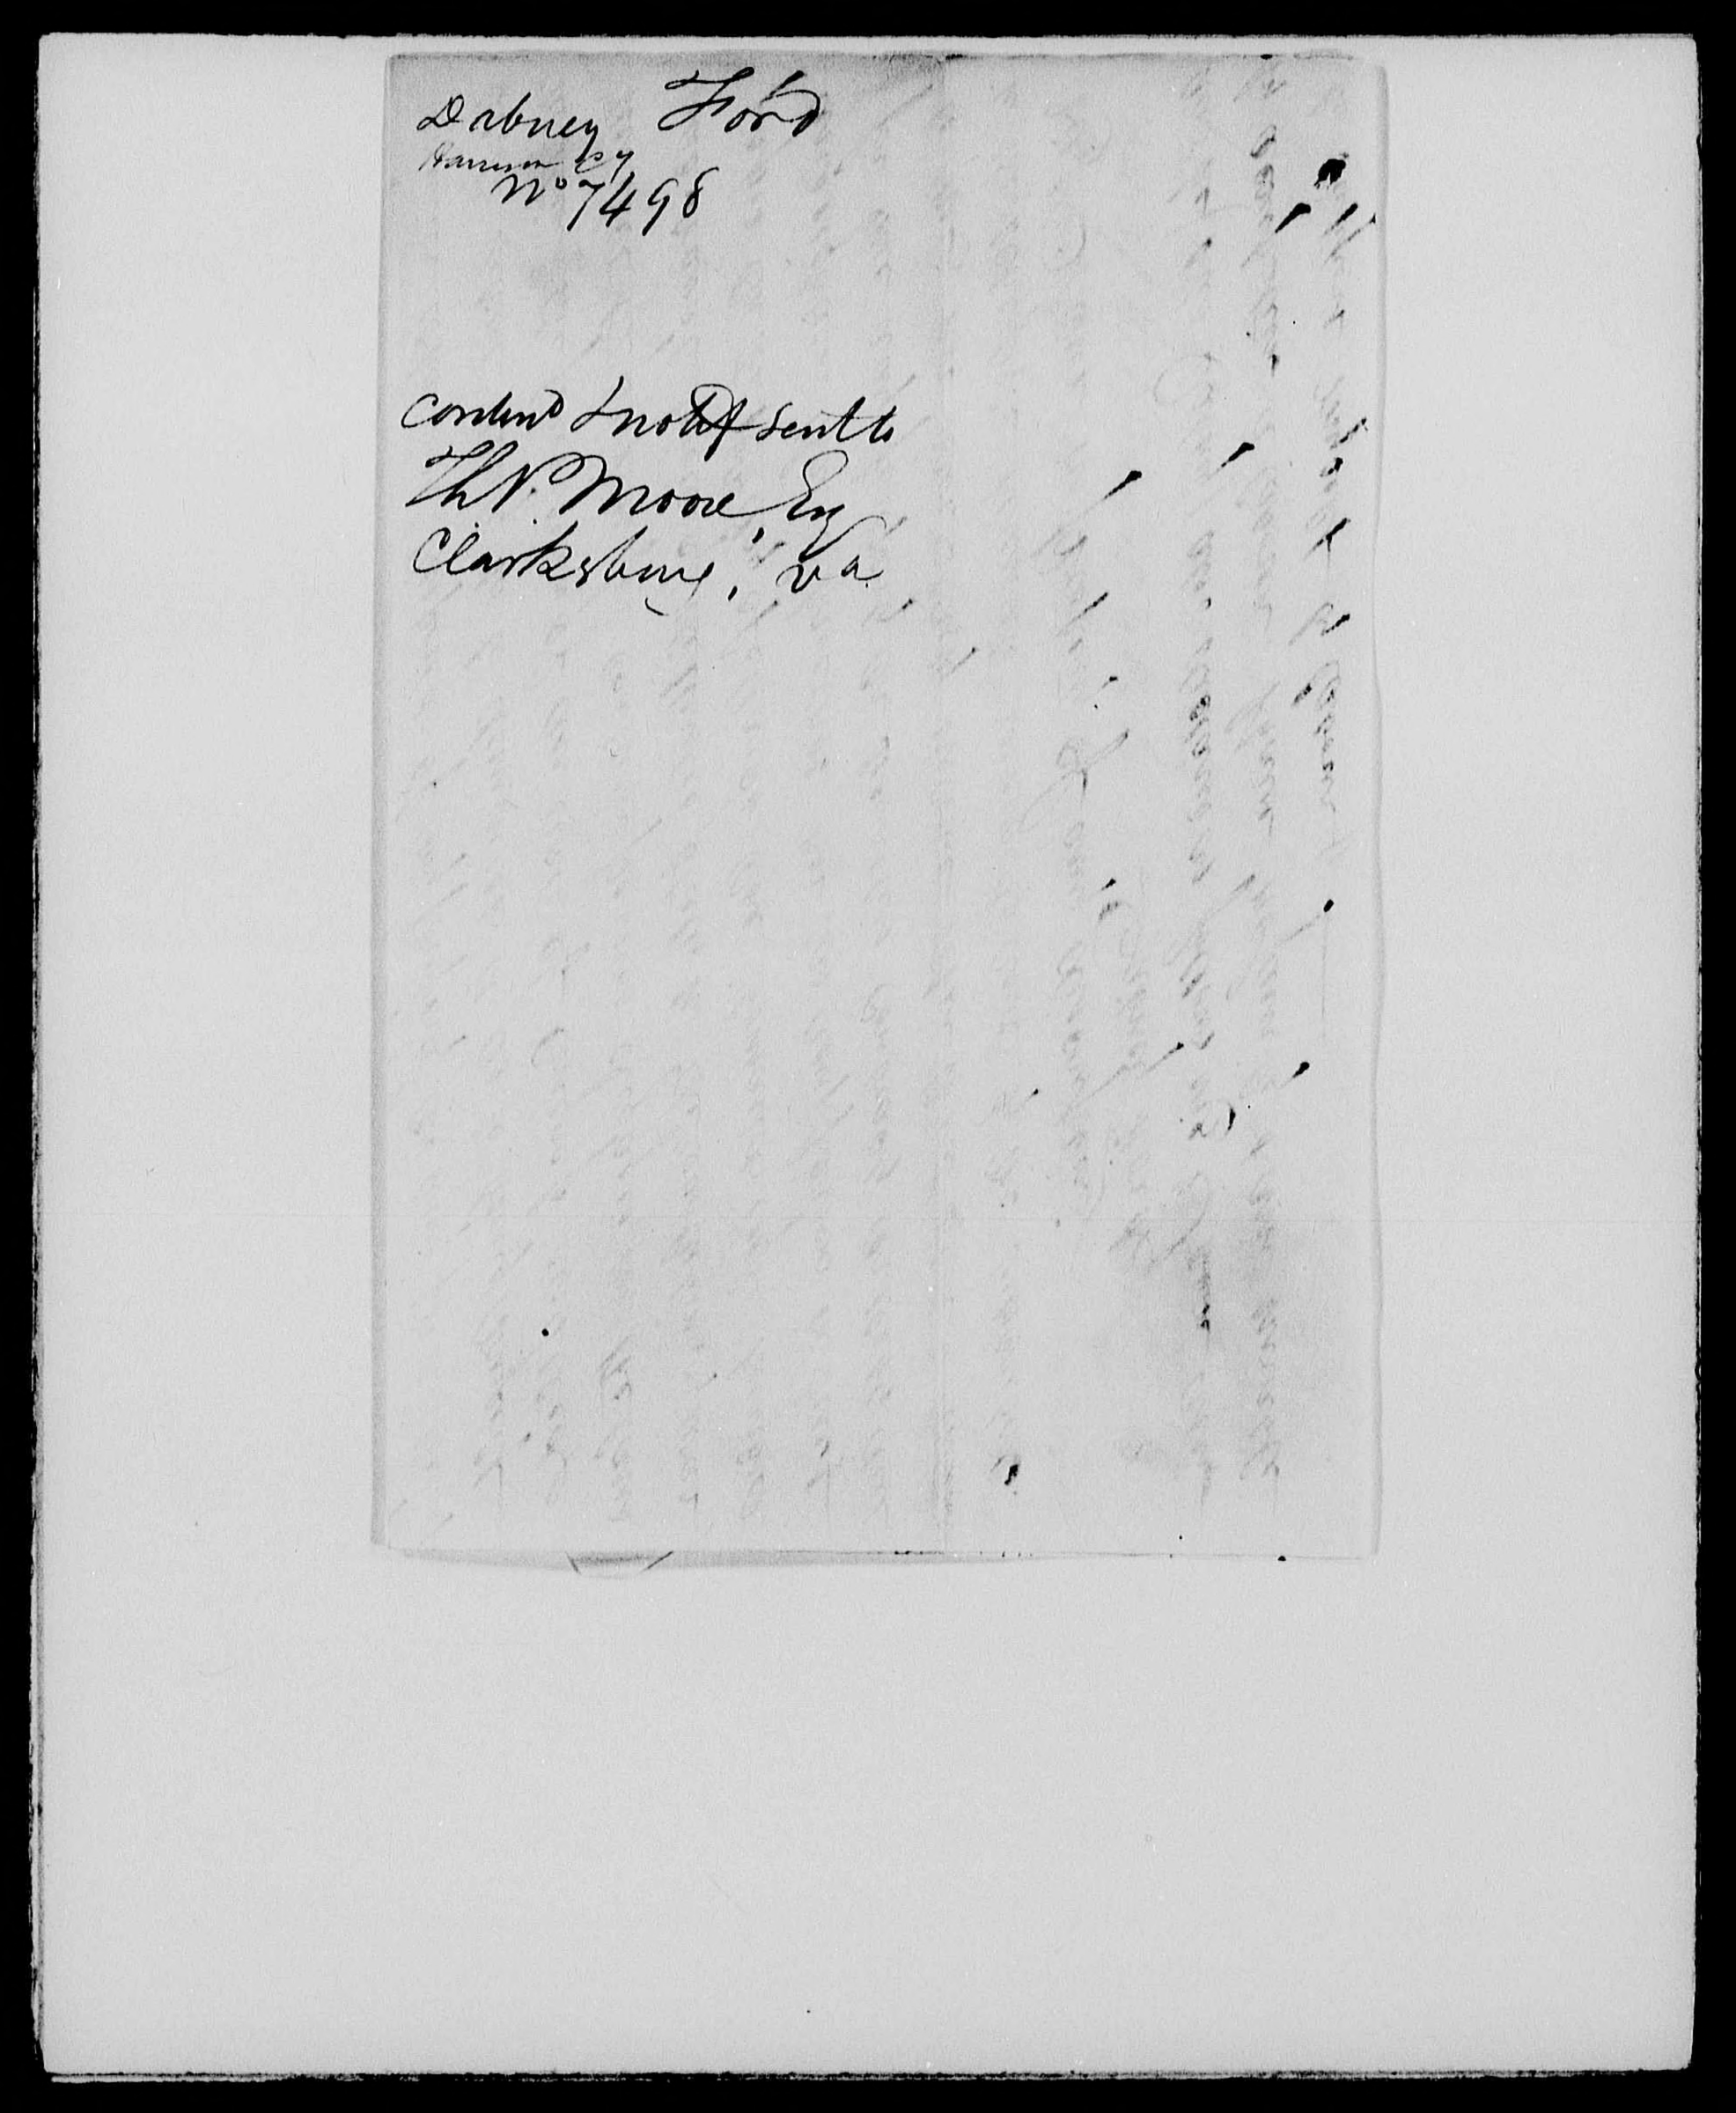Dabney Ford
Harrison Cy 
No 7498


Contind & notif sent to
Ths. [Thomas] Moore, Esq
Clarksburg, Va.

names: Dabney Ford, Harrison, Ths Moore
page: 6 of 11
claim: survivor's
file: S. 39531, Dabney Ford, Va.